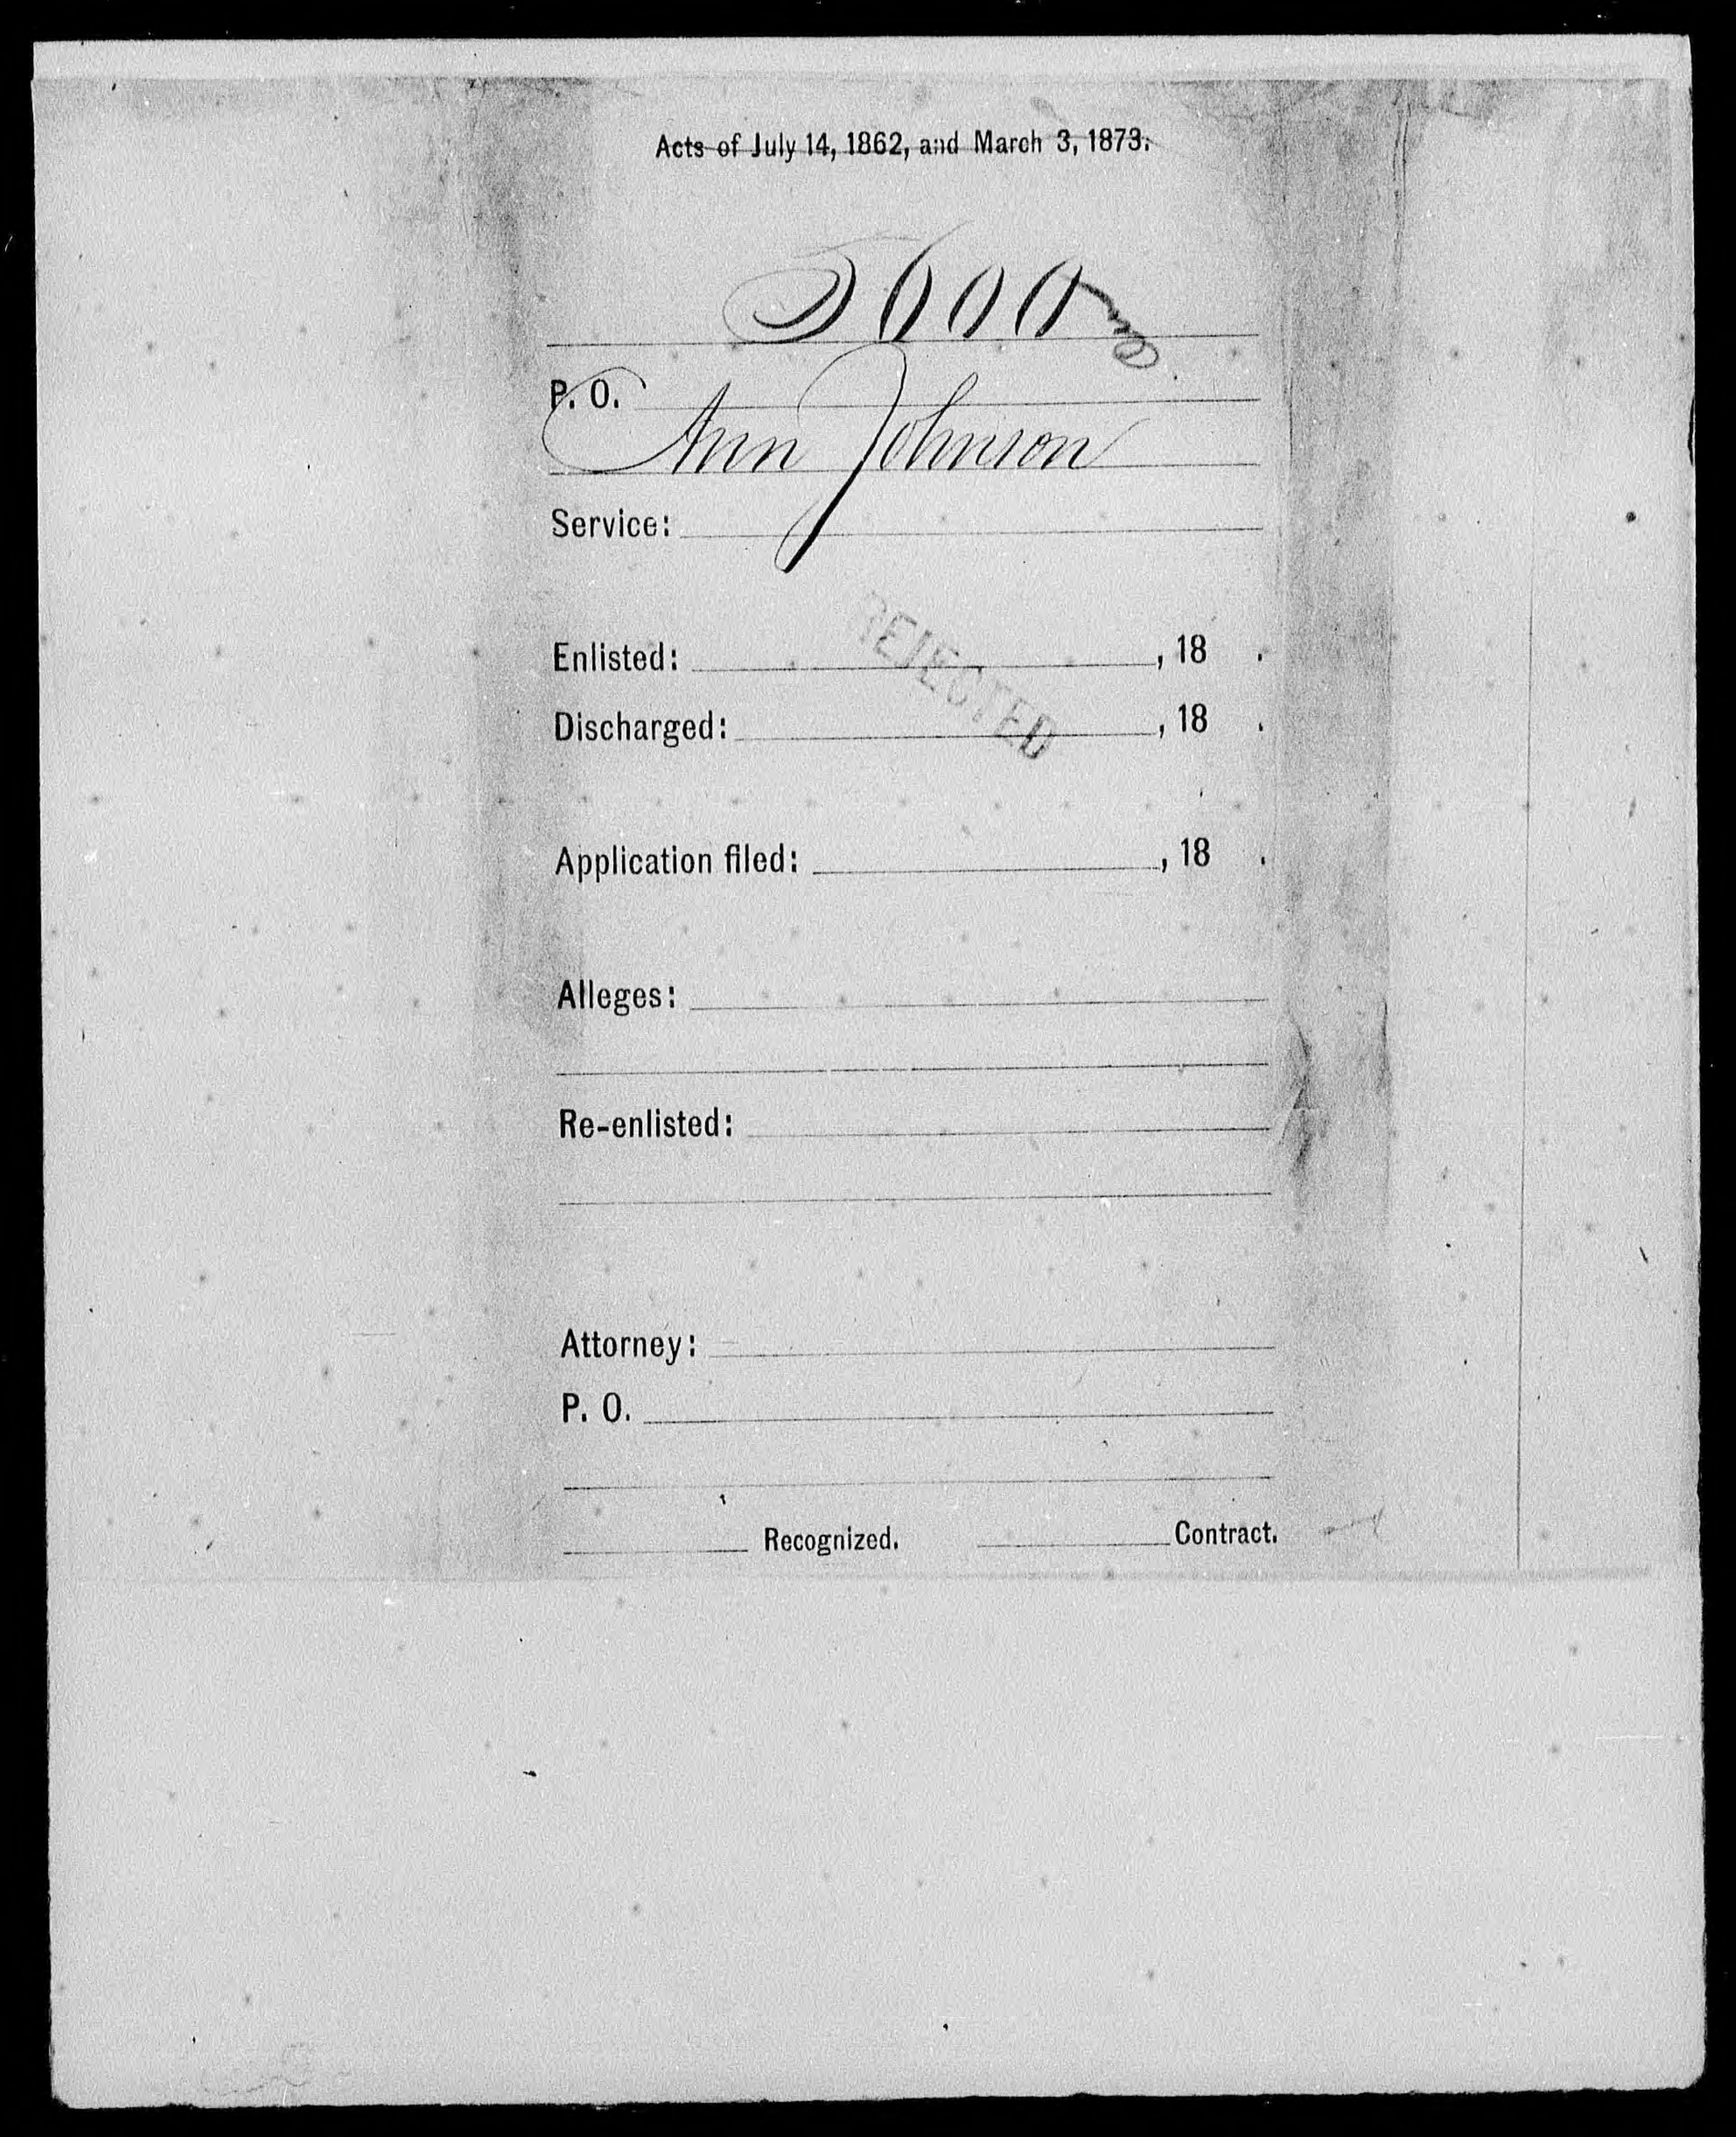Acts of July 14, 1862, and March 3, 1873.
5600
P.O. Ann Johnson 
Service: 
Enlisted: [REJECTED]
Discharged:
Application Filed: 
Alleges:
Reenlisted:
Attorney: 
Recognized: 
Contracted:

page: 17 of 74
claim: rejected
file: R. 5600, for Abel Johnson, North Carolina